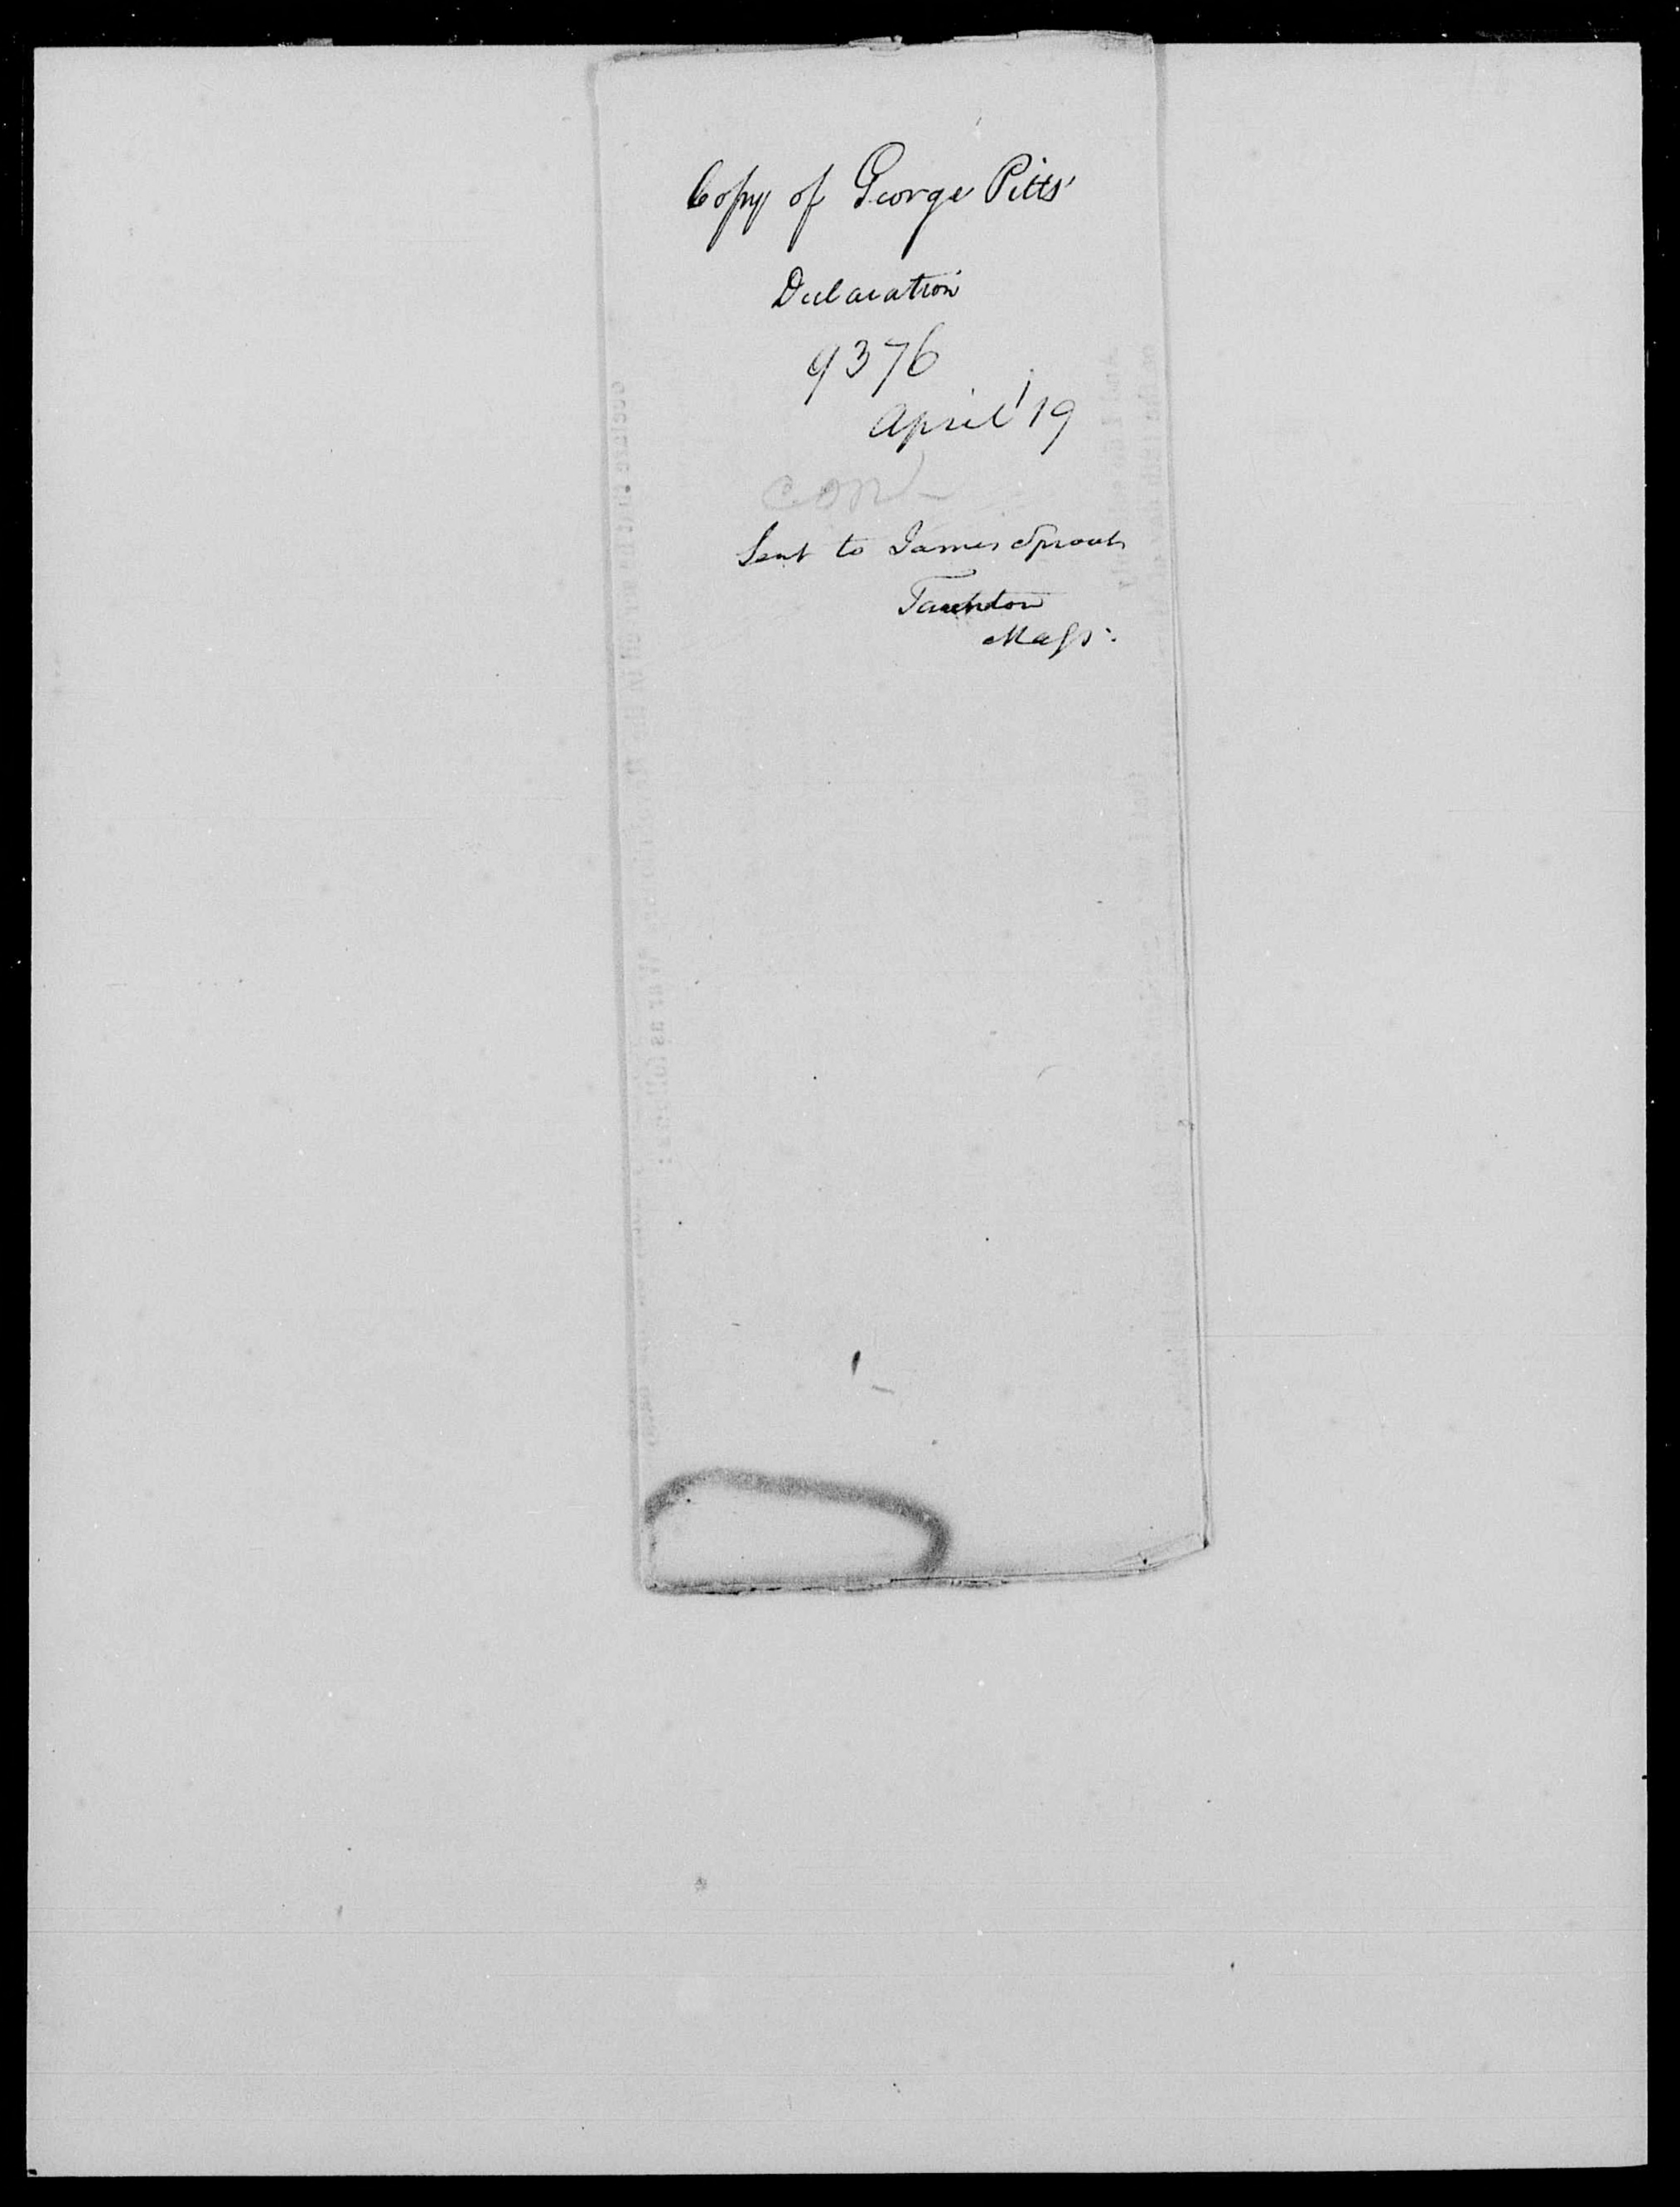Copy of George Pitts'

Declaration

9376

April 1819

cont.

Sent to James Sproat

Taunton Mass.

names: James Sproat; George Pitts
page: 6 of 54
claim: widow's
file: W. 26,897, for George Pitts, Massachusetts